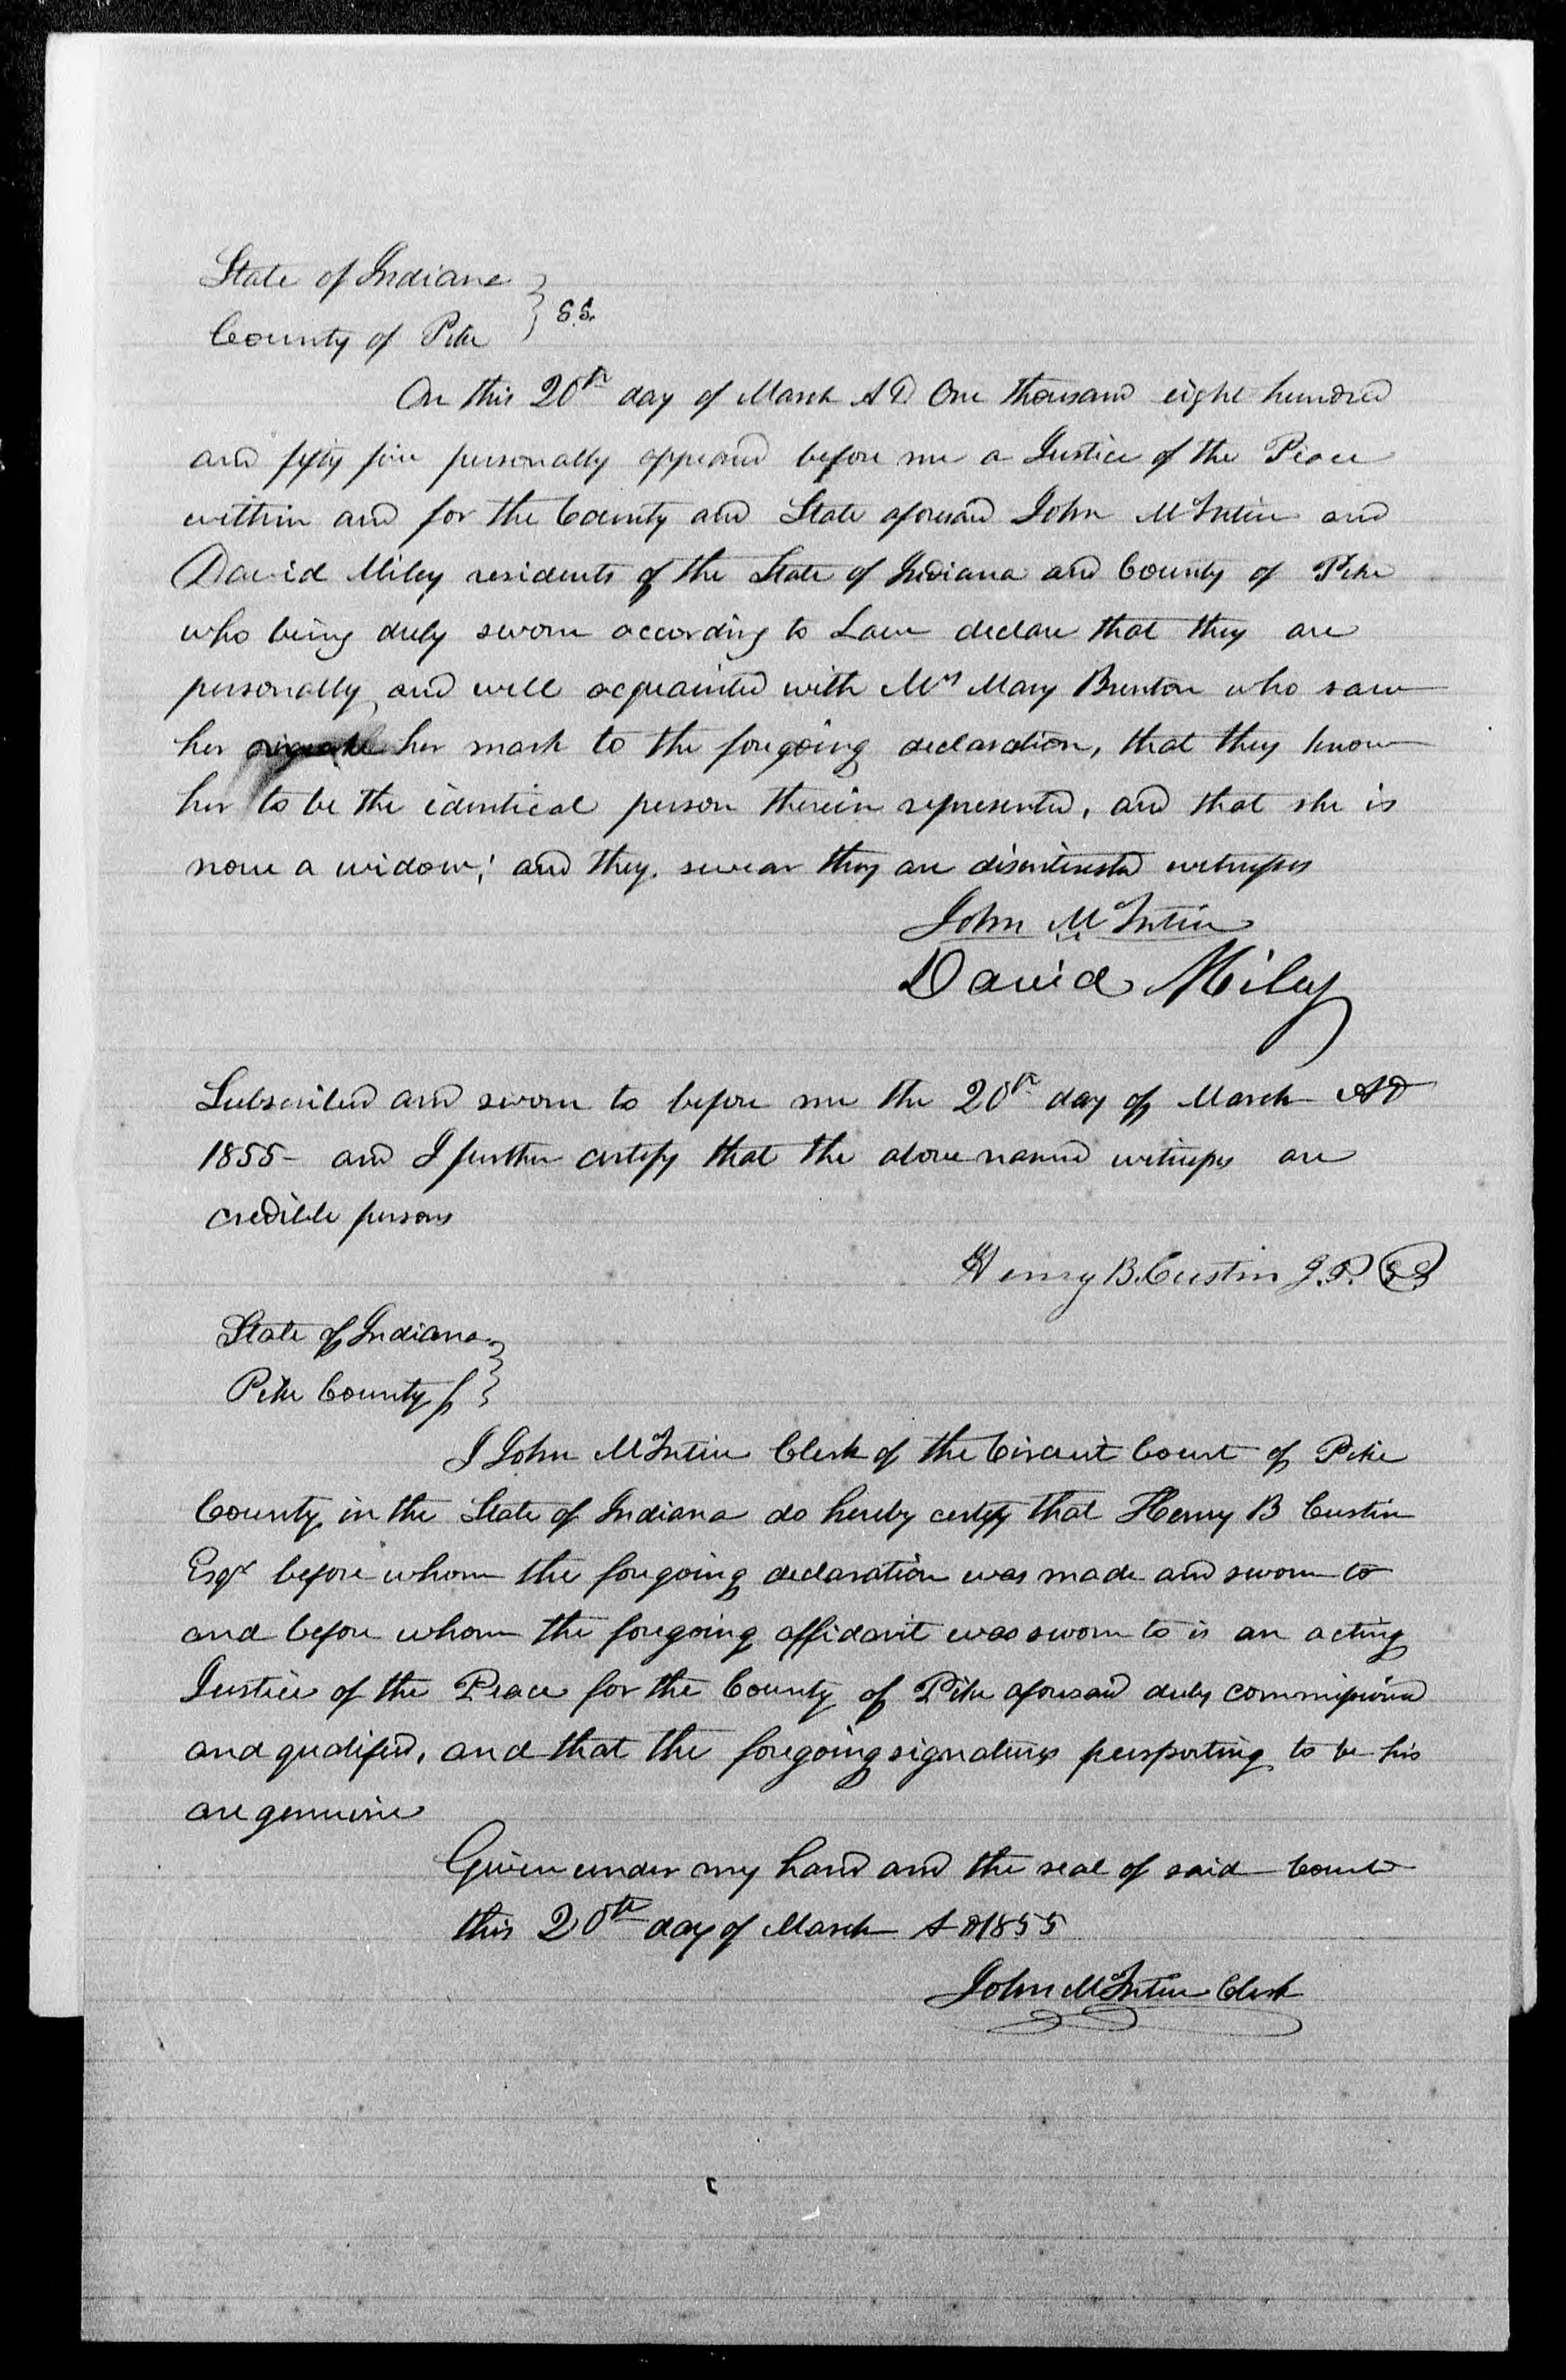State of Indiana
County of Pike} ss
On this 20th day of March AD One thousand eight hundred and fifty five personally appeared before me a Justice of the Peace within and for the County and State aforesaid John McIntire and David Miley residents of the State of Indiana and County of Pike who being duly sworn according to Law declare that they are personally and well acquainted with Mrs. Mary Brenton who saw her sign her mark to the foregoing declaration, that they know her to be the identical person therein afore mentioned, and that she is now a widow; and they swear they are disinterested witnesses.
John McIntire
Davod Miley

Subscribed and sworn to before me the 20th day of March AD 1855 -- and I further certify that the above named witnesses are credible persons
Henry B. Custin J. P. 

State of Indiana
Pike County} ss
I John McIntire Clerk of the Circuit Court of Pike County in the State of Indiana do hereby certify that Henry B. Custin Esq. before whom the foregoing declaration was made and sworn to and before whom the foregoing affidavit was sworn to is an acting Justice of the Peace for the County of Pike aforesaid duly commissioned and qualified, and that the foregoing signatures purporting to be his are genuine
Given under my hand and the seal of said Court this 20th day of March AD 1855
Johon McIntire Clerk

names: David Miley, John Mc Intire, Henry B Custin, David Miley, Mary Brenton, John Mc Intire, John Mc Intire, Henry B Custin, John Mc Intire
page: 13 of 49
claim: widow's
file: W. 2518, James Brenton, Va.